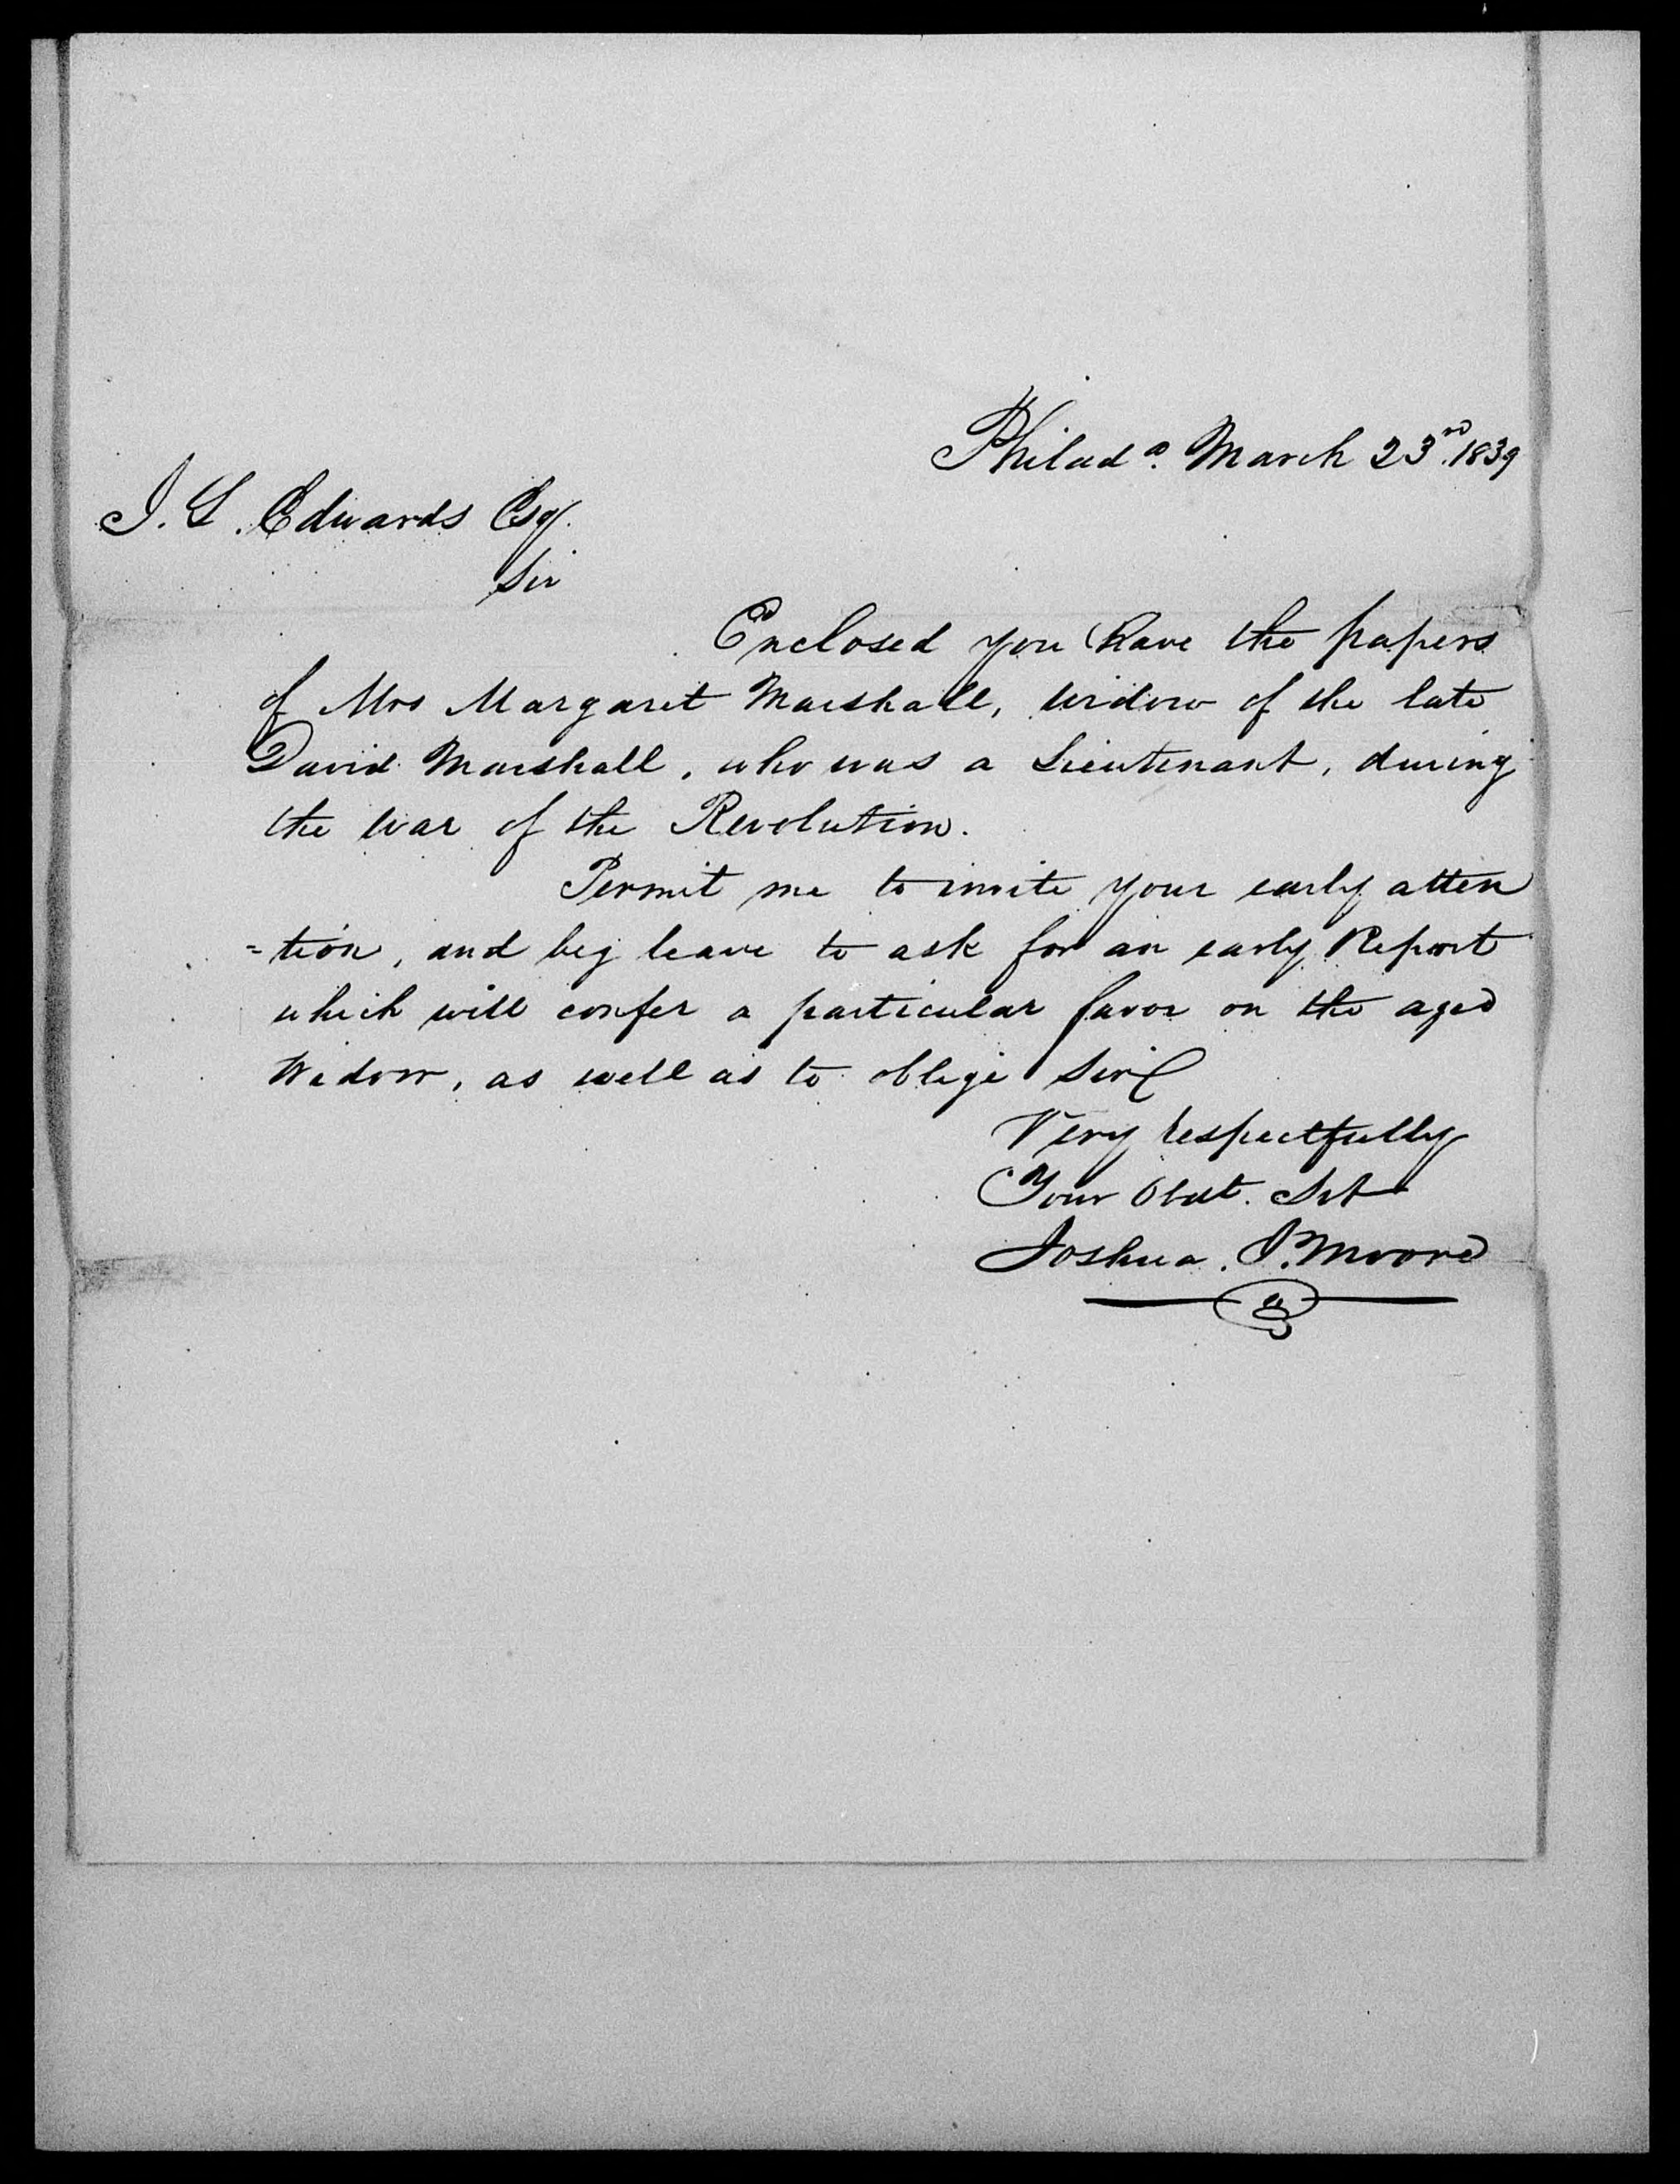J.L. Edwards Esq.
Sir
Philada March 23d 1839
Enclosed you have the papers
of Mrs Margaret Marshall, widow of the late
David Marshall, who was a Lieutenant, during the
war of the Revolution
Permit me to invite your early attention, and beg leave to ask for an early Report
which will confer a particular favor on the aged
Widow, as well as to oblige sir
Very respectfully
Your Obdt Set
Joshua J. Moore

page: 55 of 86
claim: widow's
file: W. 3571, for David Marshall, Pennsylvania